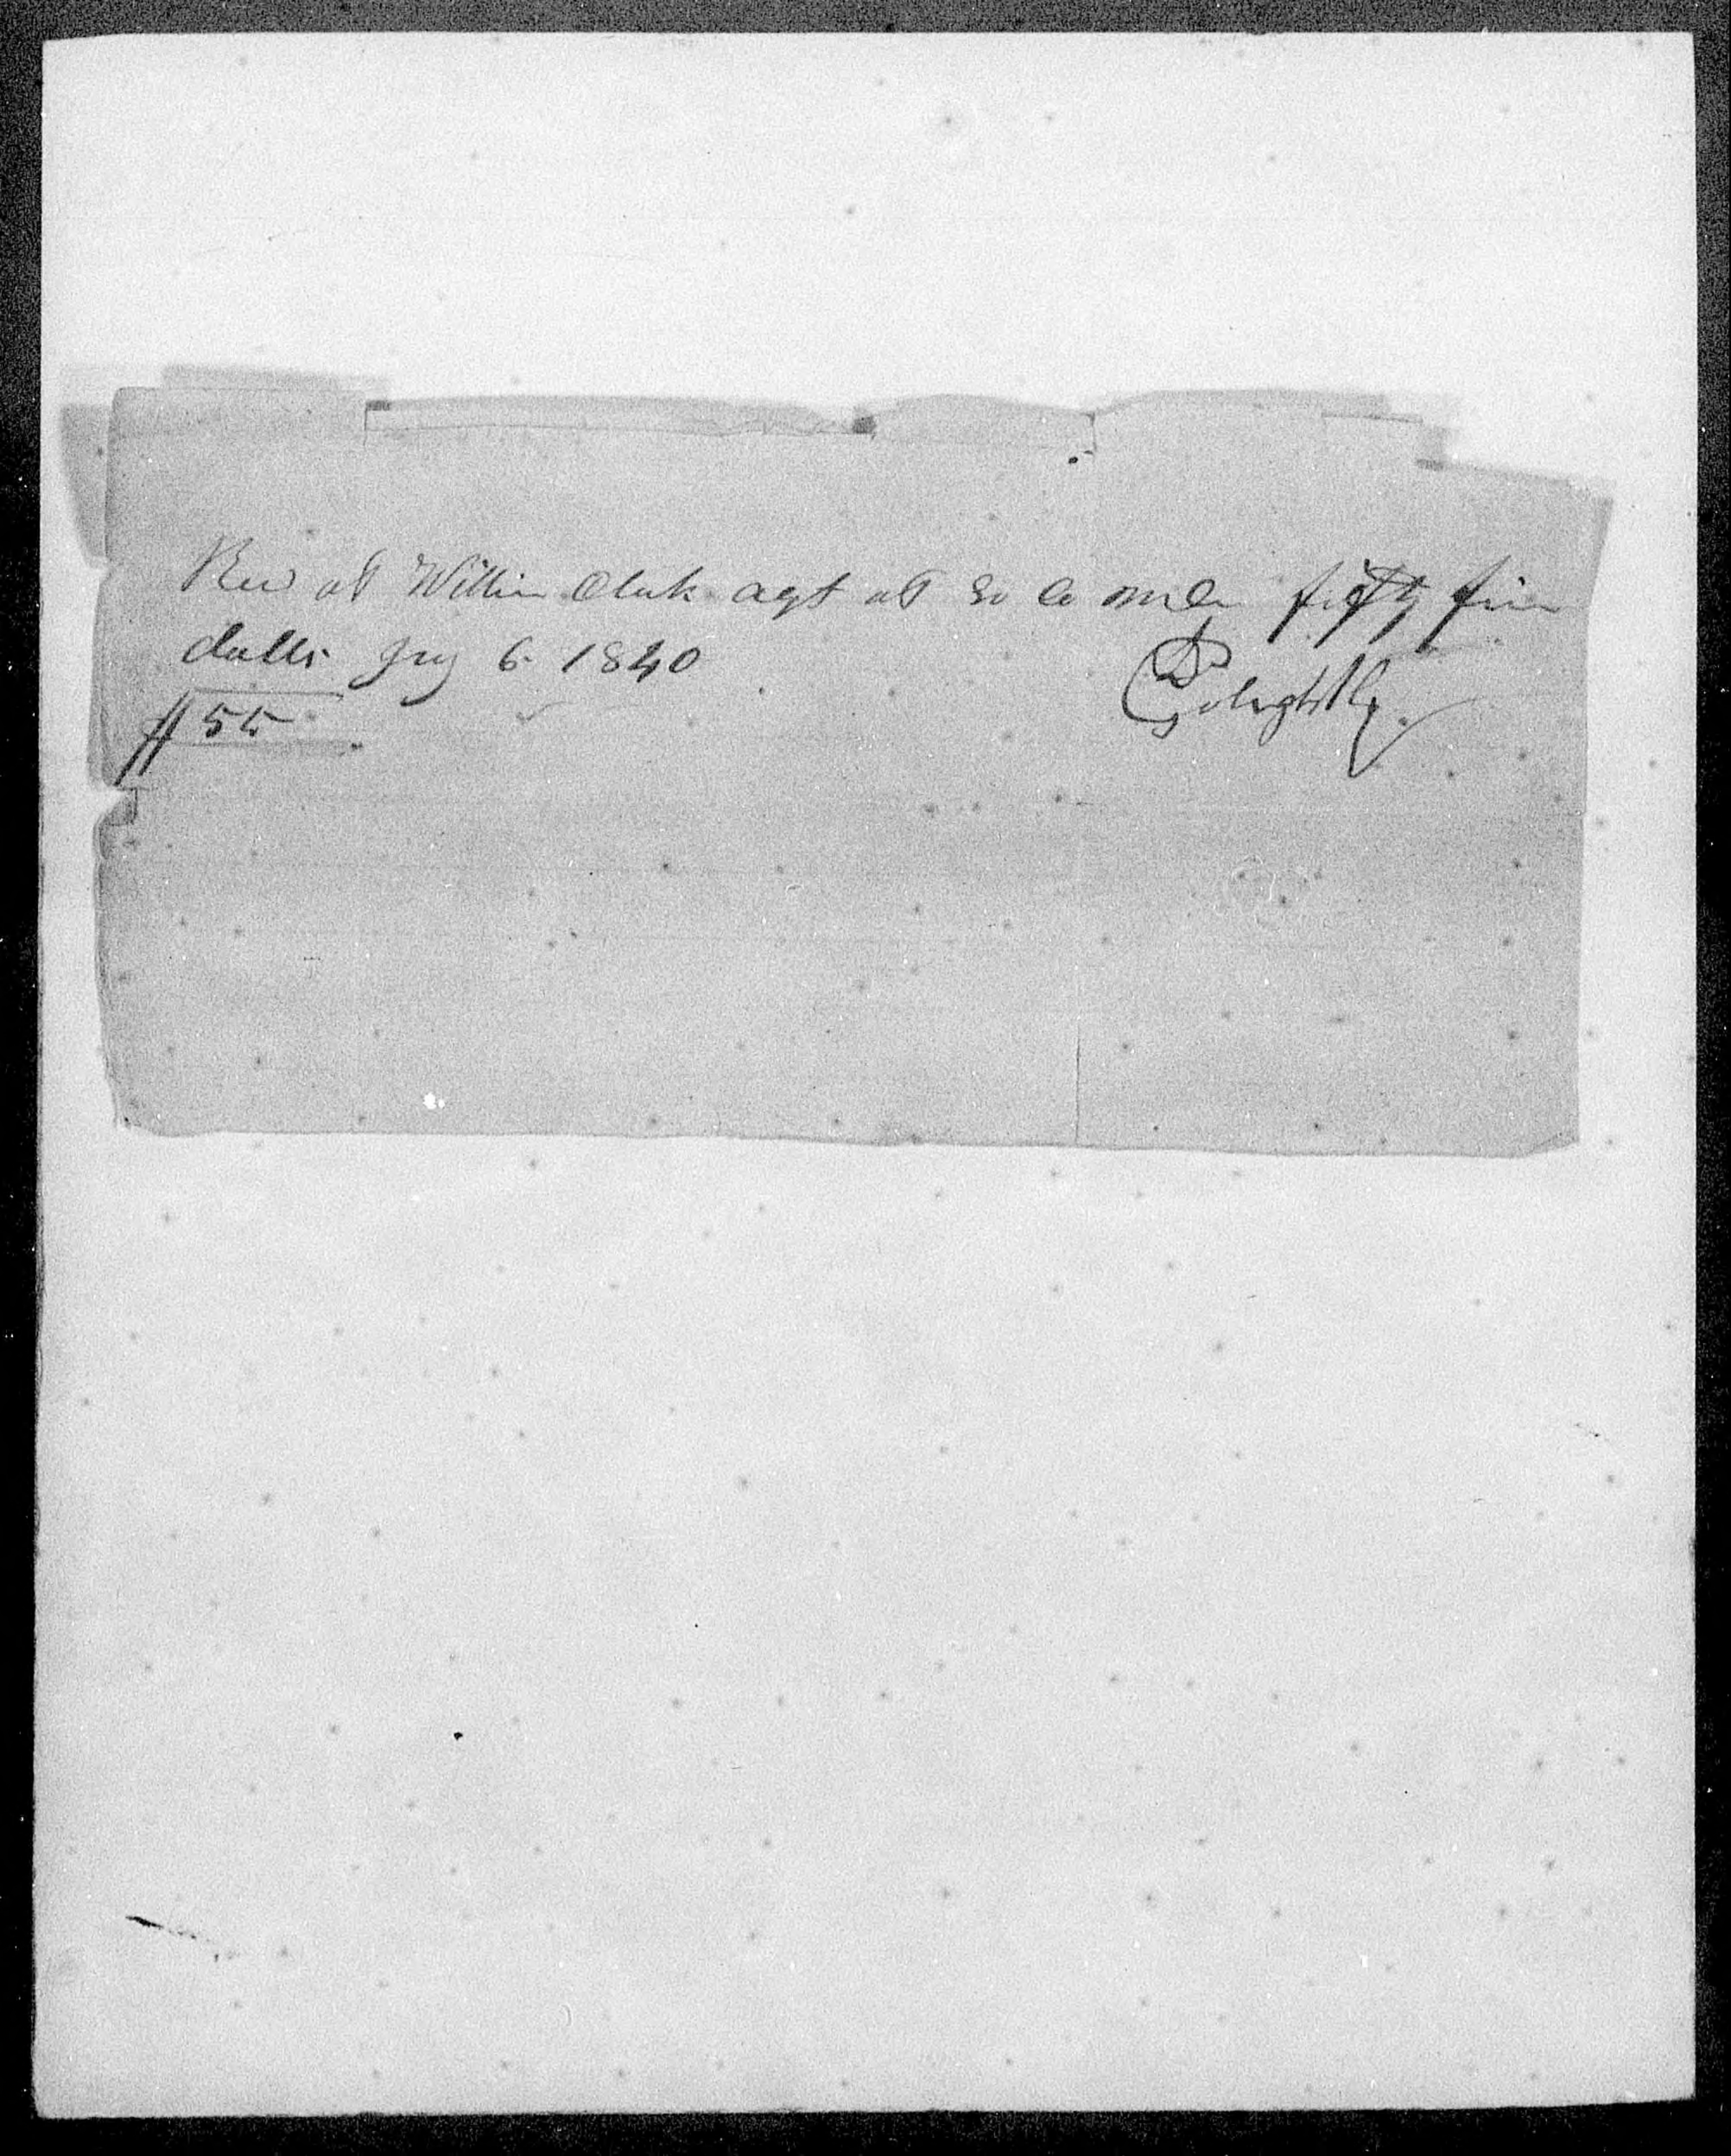Rev of William Clerk Agt South Carolina fifty five
Jan'y 6. 1840

$55

Golightly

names: D Golightly, William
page: 46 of 57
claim: survivor's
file: S. 18888, David Golightly, S.C.